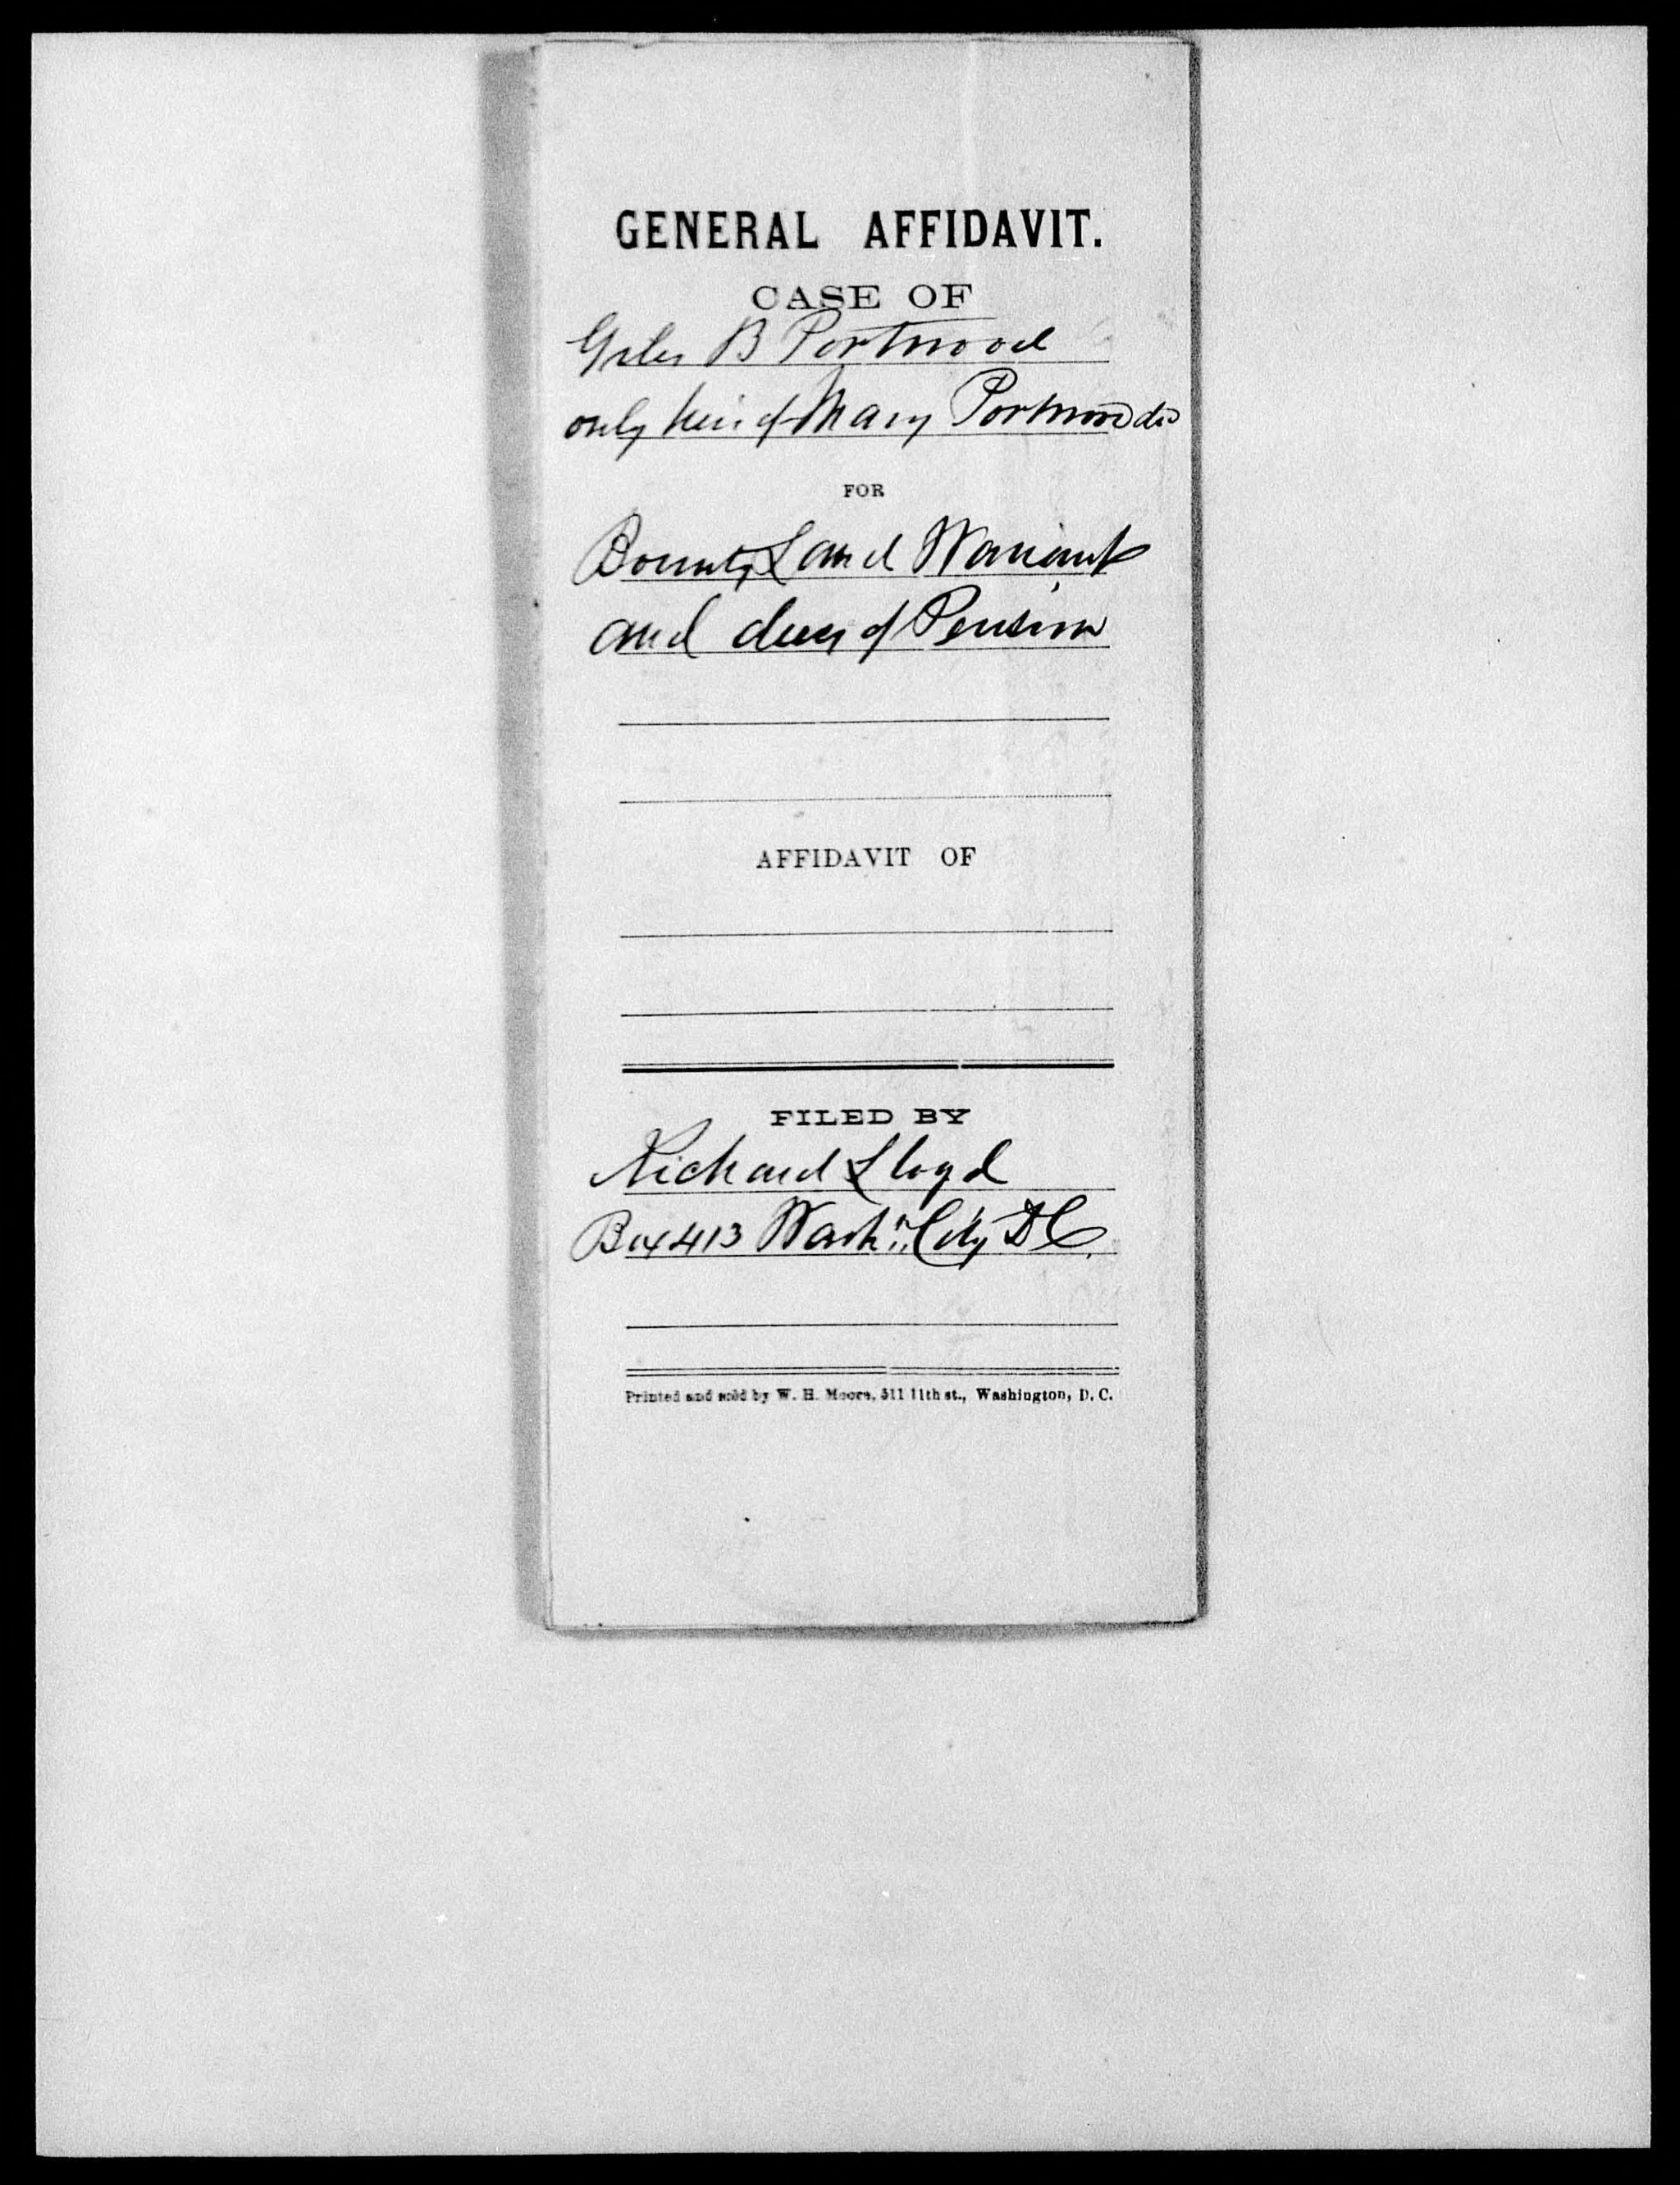GENERAL AFFIDAVIT.
CASE OF
Giles B Portwood
only heir of Mary Portwood
FOR
Bounty Land Warrant
and dues of Pension
AFFIDAVIT OF
[blank]
FILED BY
Richard Lloyd
Box 413 Warh.. City DC
Printed and sold by W. H. Moore, 511 11th st., Washington, D. C.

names: Richard Lloyd; Mary Portwood; Giles B Portwood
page: 38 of 50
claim: widow's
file: W. 1929, for Lloyd Portwood, Virginia